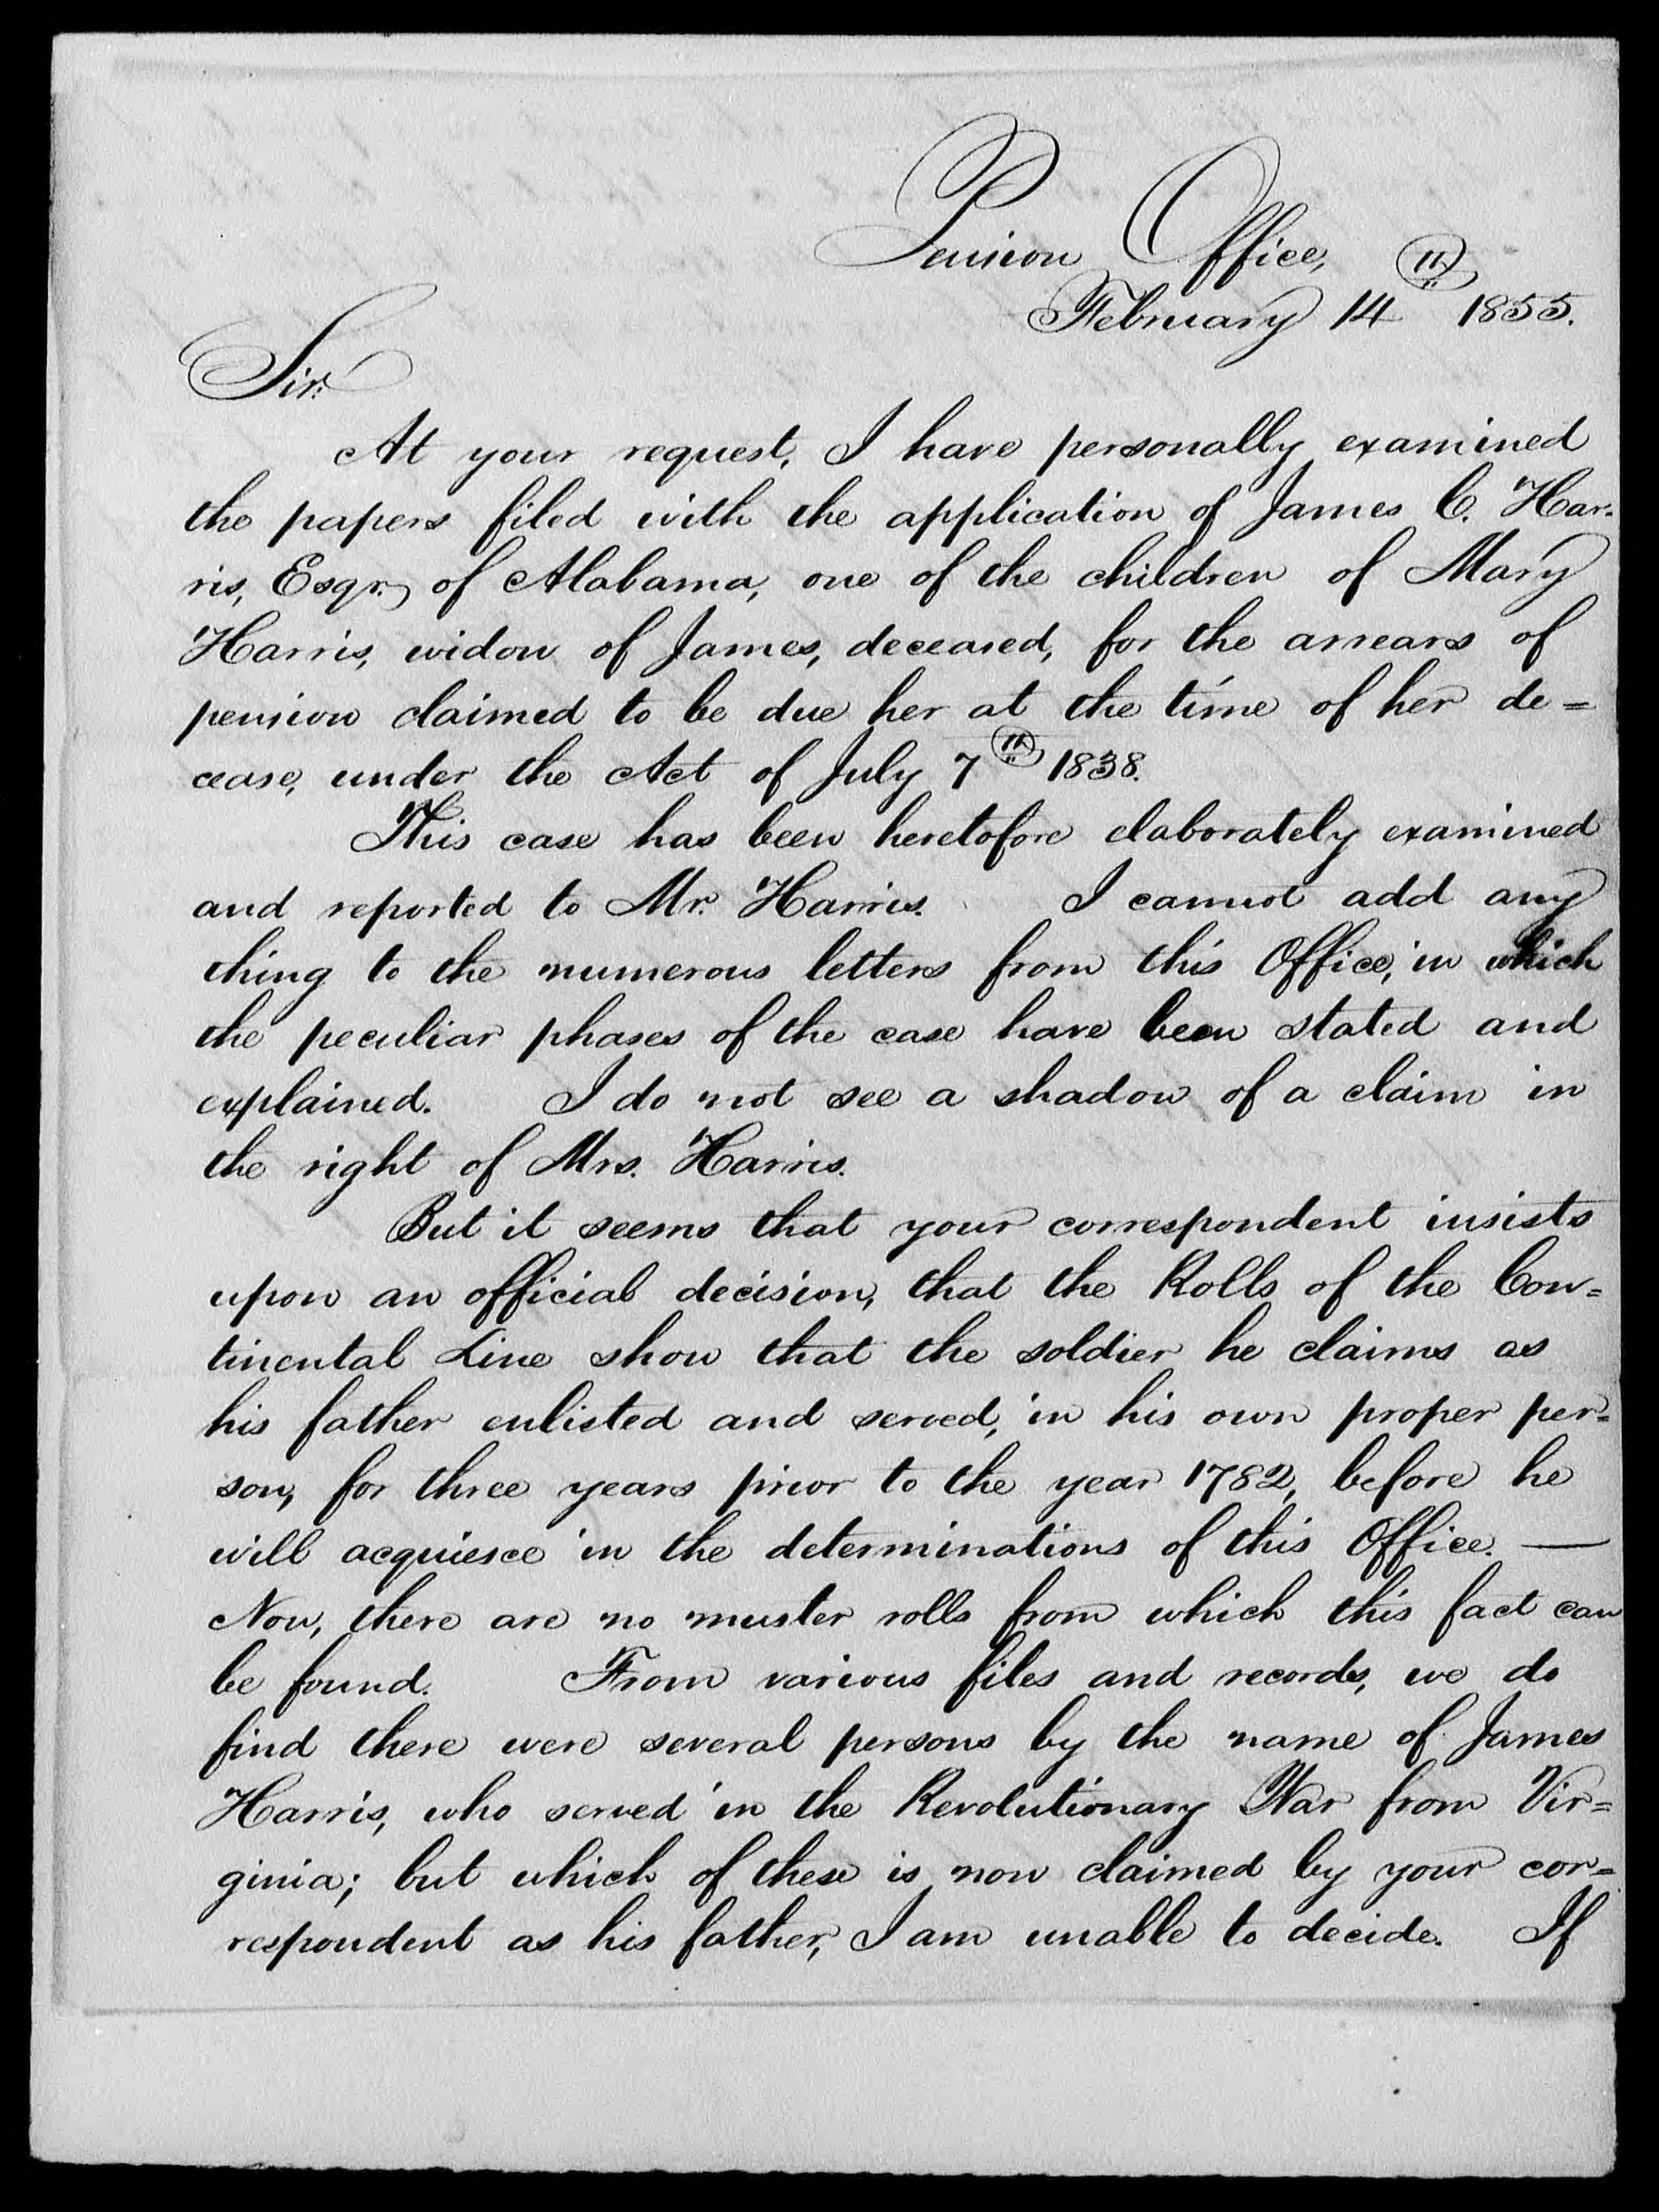Pension Office
February 14th 1855

Sir
At your request, I have personally examined the papers filed with the application of James C. Harris, Esqr. of Alabama, one of the children of Mary Harris, widow of James, deceased, for the arrears of pension claimed to be due her at the time of her decease under the Act of July 7th 
1868.
This case has been heretofore elaborately examined and reported to Mr Harris.  I cannot add any thing to the numerous letters from this Office, in which the peculiar phases of the case have been stated and explained.  I do not see a shadow of a claim in the right of Mrs. Harris.
Bit it seems that your correspondent insists upon an official decision, that the Rolls of the Continental Line show that the soldier he claims as his father enlisted and served, in his own proper person for three years prior to the year 1782, before he will acquiesce in the determinations of this Office.
Now, there are no muster rolls from which this fact can be found.  From various files and records, we do find there were several persons by the name of James Harris, who served in the Revolutionary War from Virginia, but which of these is now claimed by your correspondent as his father, I am unable to decide.  If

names: James Harris, Harris, James Harris, James C Harris, Mary Harris, Harris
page: 120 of 160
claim: rejected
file: R. 4666, James Harris, Va.